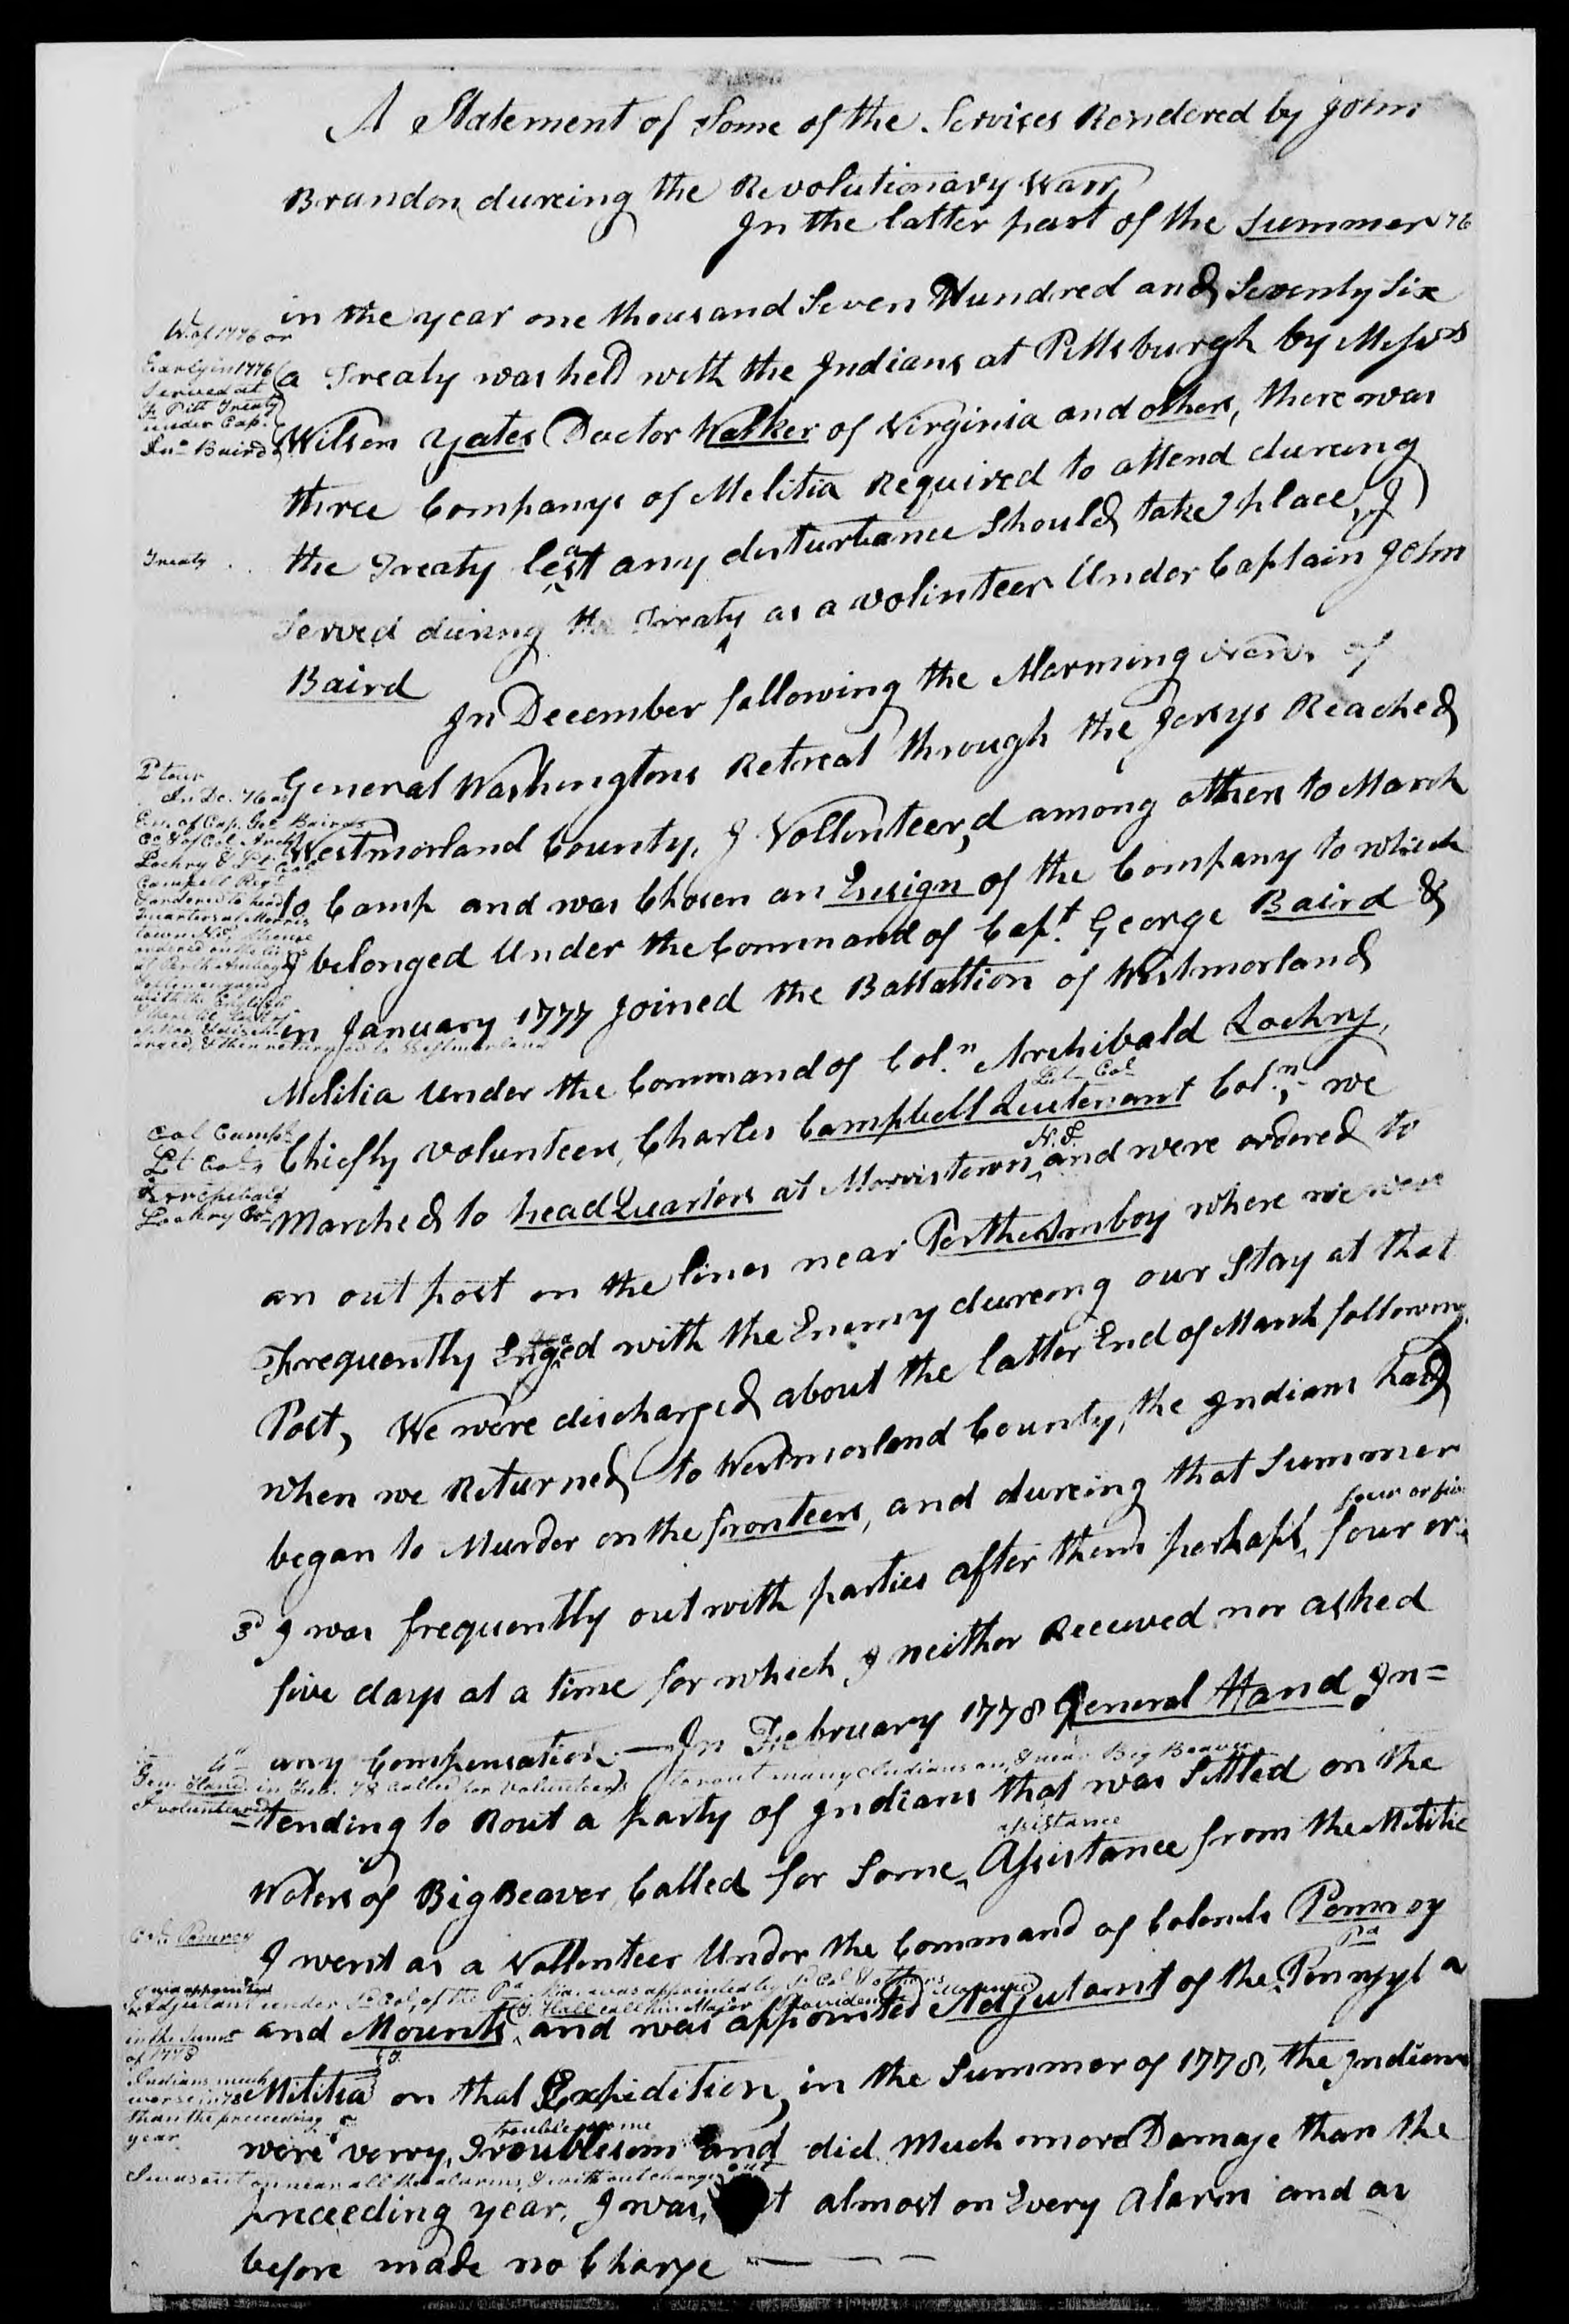A Statement of Some of the Services Rendered by John Brandon during the Revolutionary War
In the latter part of the Summer '76
in te year one thousand seven Hundred and Seventy six a Treaty was held with the Indians at Pittsburgh by Messrs Wilson Yates Doctor Walker of Virginia and others, there was three companys [sic] of Melitia [sic] required to attend during the Treaty least an disturbance should take place. I served during the treaty as a volinteer [sic] under Captain John Baird.
[the following notes are in the left margin of the above paragraph]
[illegible of 1776 or early in 14776 served at Ft. Pitt Treaty under Cap. Jno Baird.
Treaty]

In December following the Alarming news of  General Washingtons Retreat through the [illegible] Reached Westmorland County, I vollunteer'd [sic] among others to march to Camp and was chosen an Ensign of the Company to which I belonged under the Command of Capt. George Baird & in January 1777 joined the Battallion [sic] of Westmorland Militia under the Command of Coln Archibald Lochry, Chiefly volunteer, Charles Campbell Lieutenant Coln [note above the word Lieutenant : Lt. Col], we marched to headquarters at Morristown, N.J. and were ordered to an outpost on the lines near Perth Amboy where we were frequently engaged with the Enemy during our stay at that Post. We were discharged about the latter end of March following when we returned to the Westmorland County, the Indians had began to Murder on the fronteer [sic], and during that summer 3 I was frequently out with parties after them perhaps for or five four or five days at a time for which I neither received nor asked any compensation. In February 1778 General Hand intending [note near this spot in the paragraph: "Gen Hand in Feb 78 called for volunteers to rout many Indians on [illegible] Big Beaver I volunteered"] to rout a party of Indians that was settled on the waters of Big Beaver called for some assistance assistance from the Militia. [note in left margin by the following sentence: "Col Pomroy"] I went as a vollunteer [sic] under the command of Colonel Pomroy and [note near this spot in the paragraph: "I was appointed Adjutant under [illegible] of the [illegible] was appointed by L Col [illegible] in the summer of 1778"] Mounts (G. Hall call him Major Providence) and was appointed Adjutant of the [illegible] a [note near this spot in the paragraph: "Indians much worse in '78 than the preceeding [sic] year."] Militia on that Expedition, in the Summer of 1778, the Indians were very troublesome troublesome and did much more Damage than the [note near this spot in the paragraph: "I was at or near all the alarms, & without charge"] preceeding [sic] year, I was out almost on every alarm and as before made no charge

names: Walker, Pomroy, Washington, John Brandon, Providence, Wilson Yates, George Baird, John Baird, Hand, Hand, Archibald Lochry, Hall, Archibald Lochry, Jno Baird, Campl, Charles Campbell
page: 8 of 83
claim: widow's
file: W. 5946, John Brandon, Penn